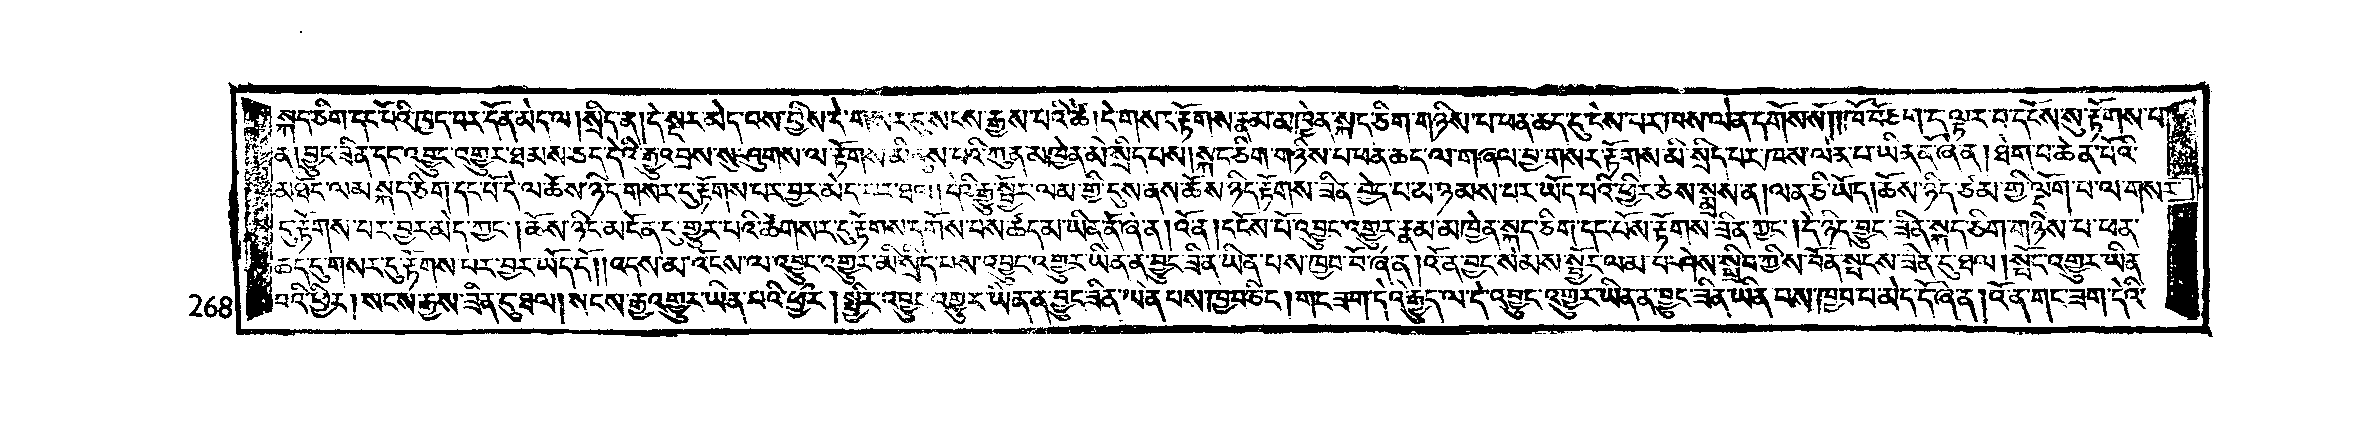སྐད་ཅིག་དང་པོའི་ཁྱད་པར་དོན་མེད་ལ། སྲིད་ན། དེ་སྔར་མེད་པས་བྱིས་དེ་གསར་དུ་སངས་རྒྱས་པའི་ཚེ། དེ་གསར་རྟོགས་རྣམ་མཁྱེན་སྐད་ཅིག་གཉིས་པ་ཕན་ཆད་དུ་ངེས་པར་ཁས་ལེན་དགོས་སོ། །ཁོ་བོ་ཅག་དེ་ལྟར་བ་དངོས་སུ་རྟོགས་པ་
ན། བྱུང་ཟིན་དང་འབྱུང་འགྱུར་ཐམས་ཅད་དེའི་རྒྱུ་འབྲས་སུ་ཤུགས་ལ་རྟོགས་མི་ནུས་པའི་ཀུན་མཁྱེན་མི་སྲིད་པས། སྐད་ཅིག་གཉིས་པ་ཕན་ཆད་ལ་གཞལ་བྱ་གསར་རྟོགས་མི་སྲིད་པར་ཁས་ལེན་པ་ཡིན་ནོ་ཞེ་ན། ཐེག་པ་ཆེན་པོའི་
མཐོང་ལམ་སྐད་ཅིག་དང་པོ་དེ་ལ་ཆོས་ཉིད་གསར་དུ་རྟོགས་པར་བྱར་མེད་པར་ཐལ། དེའི་རྒྱུ་སྦྱོར་ལམ་གྱི་དུས་ནས་ཆོས་ཉིད་རྟོགས་ཟིན་བྱེད་པ་མ་ཉམས་པར་ཡོད་པའི་ཕྱིར་ཅེས་སྨྲས་ན། ལན་ཅི་ཡོད། ཆོས་ཉིད་ཙམ་གྱི་ལྡོག་པ་ལ་གསར་
དུ་རྟོགས་པར་བྱར་མེད་ཀྱང་། ཆོས་ཉིད་མངོན་དུ་གྱུར་པའི་ཚེ་གསར་དུ་རྟོགས་དགོས་པས་ཚད་མ་ཡིན་ནོ་ཞེ་ན། འོ་ན། དངོས་པོ་འབྱུང་འགྱུར་རྣམ་མཁྱེན་སྐད་ཅིག་དང་པོས་རྟོགས་ཟིན་ཀྱང་། དེ་ཉིད་བྱུང་ཟིན་སྐད་ཅིག་གཉིས་པ་ཕན་
ཆད་དུ་གསར་དུ་རྟོགས་པར་བྱར་ཡོད་དོ། །འདས་མ་འོངས་ལ་འབྱུང་འགྱུར་མི་སྲིད་པས་འབྱུང་འགྱུར་ཡིན་ན་བྱུང་ཟིན་ཡིན་པས་ཁྱབ་བོ་ཞེ་ན། འོ་ན་བྱང་སེམས་སྦྱོར་ལམ་པ་ཤེས་སྒྲིབ་ཀྱི་ས་བོན་སྤངས་ཟིན་དུ་ཐལ། སྤོང་འགྱུར་ཡིན་
པའི་ཕྱིར། སངས་རྒྱས་ཟིན་དུ་ཐལ། སངས་རྒྱ་འགྱུར་ཡིན་པའི་ཕྱིར། སྤྱིར་འབྱུང་འགྱུར་ཡིན་ན་བྱུང་ཟིན་ཡིན་པས་ཁྱབ་ཅིང་། གང་ཟག་དེའི་རྒྱུད་ལ་དེ་འབྱུང་འགྱུར་ཡིན་ན་བྱུང་ཟིན་ཡིན་པས་ཁྱབ་པ་མེད་དོ་ཞེ་ན། འོ་ན་གང་ཟག་དེའི་